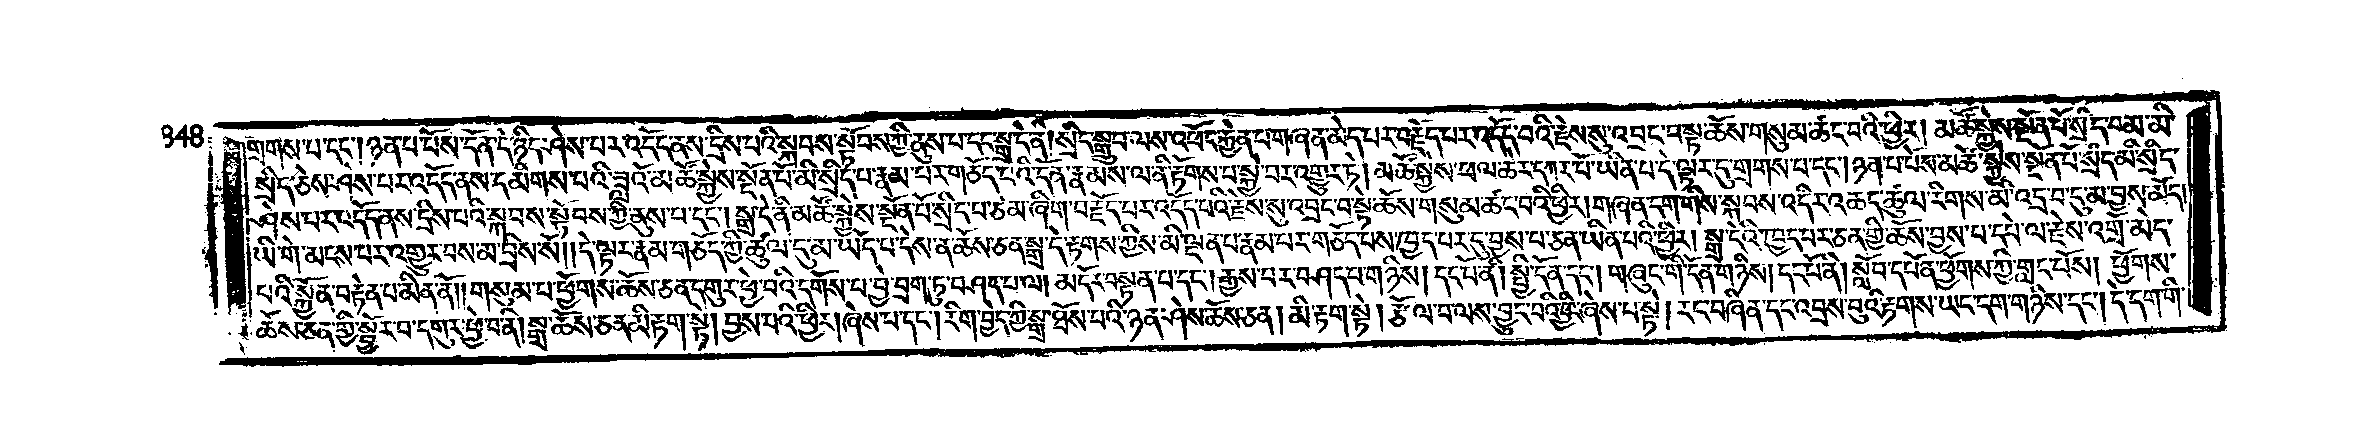གྲགས་པ་དང་། ཉན་པ་པོས་དོན་དེ་ཉིད་ཤེས་པར་འདོད་ནས་དྲིས་པའི་སྐབས་སྟོབས་ཀྱི་ནུས་པ་དང་སྒྲ་དེ་ནི། སྲིད་སྒྲུབ་ལས་འཕོང་རྐྱེན་པ་གཞན་མེད་པར་བརྗོད་པར་འདོད་པའི་རྗེས་སུ་འབྲང་བ་སྟེ་ཆོས་གསུམ་ཚང་བའི་ཕྱིར། མཚོ་སྐྱེས་སྔོན་པོ་སྲིད་བམ་མི་
སྲིད་ཅེས་ཤེས་པར་འདོད་ནས་དམིགས་པའི་ཟླའོ་མཚོ་སྐྱེས་སྔོན་པོ་མི་སྲིད་པ་རྣམ་པར་གཅོད་པའི་དོན་རྣམས་ལ་ནི་རྟོགས་པ་སྐྱེས་བར་འགྱུར་ཏེ། མཚོ་སྐྱེས་ཕལ་ཆེར་དཀར་པོ་ཡིན་པ་དེ་ལྟར་དུ་གྲགས་པ་དང་། ཉན་པ་པོས་མཚོ་སྐྱེས་སྔོན་པོ་སྲིད་མི་སྲིད་
ཤེས་པར་འདོད་ནས་དྲིས་པའི་སྐབས་སྟོབས་ཀྱི་ནུས་པ་དང་། སྒྲ་དེ་ནི་མཚོ་སྐྱེས་སྔོན་པོ་སྲིད་པ་ཙམ་ཞིག་བརྗོད་པར་འདོད་པའི་རྗེས་སུ་འབྲང་སྟེ་ཆོས་གསུམ་ཚང་བའི་ཕྱིར། གཞན་དག་གིས་སྐབས་འདིར་འཆད་ཚུལ་རིགས་མི་འདྲ་བ་དུ་མ་བྱས་མོད་
ཡི་གེ་མངས་པར་འགྱུར་བས་མ་བྲིས་སོ། །དེ་ལྟར་རྣམ་གཅོད་ཀྱི་ཚུལ་དུ་མ་ཡོད་པ་དེས་ན་ཆོས་ཅན་སྒྲ་དེ་རྟགས་ཀྱིས་མི་ལྡན་པ་རྣམ་པར་གཅོད་པས་ཁྱད་པར་དུ་བྱས་པ་ཅན་ཡིན་པའི་ཕྱིར། སྒྲ་དེའི་ཁྱད་པར་ཅན་གྱི་ཆོས་བྱས་པ་དཔེ་ལ་རྗེས་འགྲོ་མེད་
པའི་སྐྱོན་བརྟེན་པ་མིན་ནོ། །གསུམ་པ་ཕྱོགས་ཆོས་ཅན་དགུར་ཕྱེ་བའི་དགོས་པ་བྱེ་བྲག་ཏུ་བཤད་པ་ལ། མདོར་བསྟན་པ་དང་། རྒྱས་པར་བཤད་པ་གཉིས། དང་པོ་ནི། སྤྱི་དོན་དང་། གཞུང་གི་དོན་གཉིས། དང་པོ་ནི། སློབ་དཔོན་ཕྱོགས་ཀྱི་གླང་པོས། ཕྱོགས་
ཆོས་ཅན་གྱི་སྦྱོར་བ་དགུར་ཕྱེ་བ་ནི། སྒྲ་ཆོས་ཅན་མི་རྟག་སྟེ། བྱས་པའི་ཕྱིར། ཞེས་པ་དང་། རིག་བྱེད་ཀྱི་སྒྲ་ཐོས་པའི་ཉན་ཤེས་ཆོས་ཅན། མི་རྟག་སྟེ། རྩོལ་བ་ལས་བྱུང་བའི་ཕྱིར་ཞེས་པ་སྟེ། རང་བཞིན་དང་འབྲས་བུའི་རྟགས་ཡང་དག་གཉིས་དང་། དེ་དག་གི་